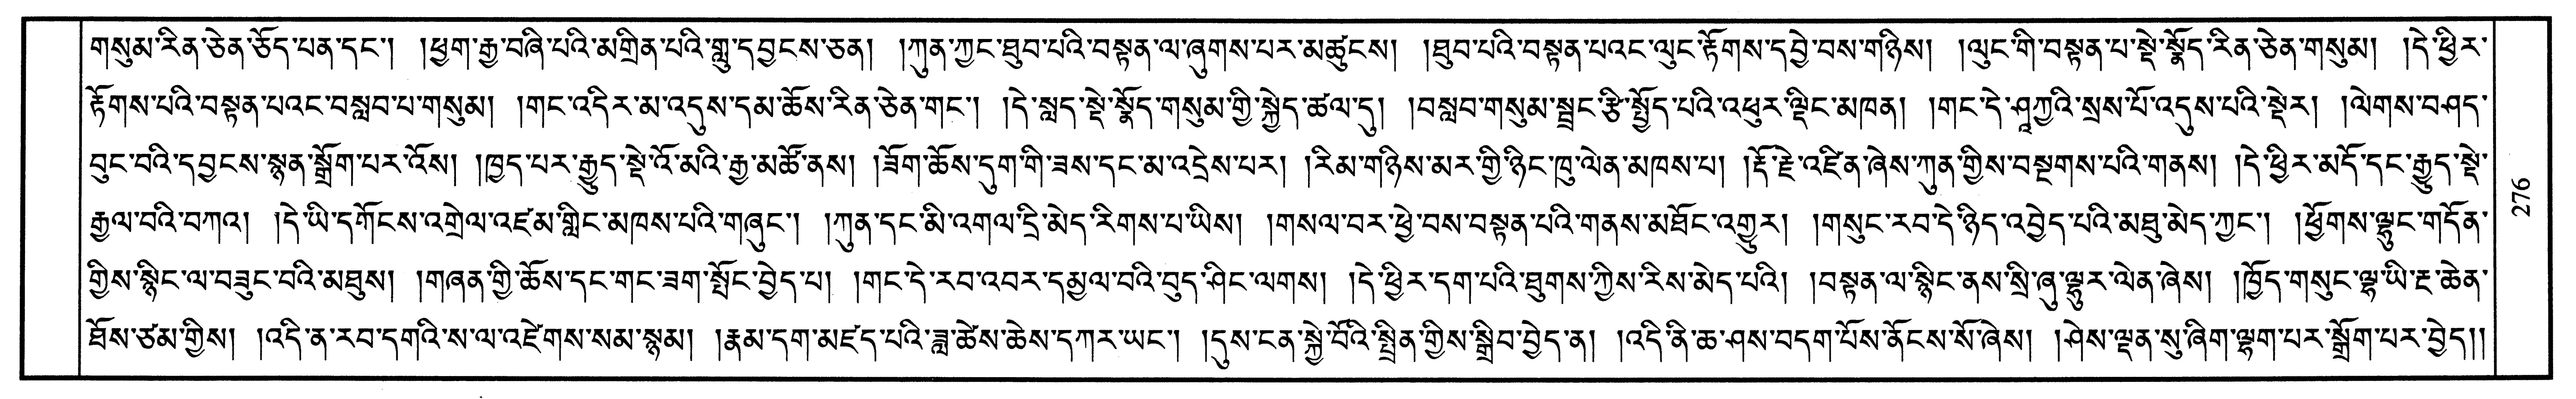གསུམ་རིན་ཅེན་ཅོད་པན་དང་། །ཕྱག་རྒྱ་བཞི་པའི་མགྲིན་པའི་གླུ་དབྱངས་ཅན། །ཀུན་ཀྱང་ཐུབ་པའི་བསྟན་ལ་ཞུགས་པར་མཚུངས། །ཐུབ་པའི་བསྟན་པའང་ལུང་རྟོགས་དབྱེ་བས་གཉིས། །ལུང་གི་བསྟན་པ་སྡེ་སྣོད་རིན་ཅེན་གསུམ། །དེ་ཕྱིར་
རྟོགས་པའི་བསྟན་པའང་བསླབ་པ་གསུམ། །གང་འདིར་མ་འདུས་དམ་ཆོས་རིན་ཅེན་གང་། །དེ་སླད་སྡེ་སྣོད་གསུམ་གྱི་སྐྱེད་ཚལ་དུ། །བསླབ་གསུམ་སྦྲང་རྩི་སྤྱོད་པའི་འཕུར་ལྡིང་མཁན། །གང་དེ་ཤཱཀྱའི་སྲས་པོ་འདུས་པའི་སྡེར། །ལེགས་བཤད་
བུང་བའི་དབྱངས་སྙན་སྒྲོག་པར་འོས། །ཁྱད་པར་རྒྱུད་སྡེ་འོ་མའི་རྒྱ་མཚོ་ནས། །ཟོག་ཆོས་དུག་གི་ཟས་དང་མ་འདྲེས་པར། །རིམ་གཉིས་མར་གྱི་ཉིང་ཁུ་ལེན་མཁས་པ། །རྡོ་རྗེ་འཛིན་ཞེས་ཀུན་གྱིས་བསྔགས་པའི་གནས། །དེ་ཕྱིར་མདོ་དང་རྒྱུད་སྡེ་
རྒྱལ་བའི་བཀའ། །དེ་ཡི་དགོངས་འགྲེལ་འཛམ་གླིང་མཁས་པའི་གཞུང་།ཀུན་དང་མི་འགལ་དྲི་མེད་རིགས་པ་ཡིས། །གསལ་བར་ཕྱེ་བས་བསྟན་པའི་གནས་མཐོང་འགྱུར། །གསུང་རབ་དེ་ཉིད་འབྱེད་པའི་མཐུ་མེད་ཀྱང་། །ཕྱོགས་ལྷུང་གདོན་
གྱིས་སྙིང་ལ་བཟུང་བའི་མཐུས། །གཞན་གྱི་ཆོས་དང་གང་ཟག་སྤོང་བྱེད་པ། །གང་དེ་རབ་འབར་དམྱལ་བའི་བུད་ཤིང་ལགས། །དེ་ཕྱིར་དག་པའི་ཐུགས་ཀྱིས་རིས་མེད་པའི། །བསྟན་ལ་སྙིང་ནས་སྲི་ཞུ་ལྷུར་ལེན་ཞེས། །ཁྱོད་གསུང་ལྷ་ཡི་རྔ་ཆེན་
ཐོས་ཙམ་གྱིས། །འདི་ན་རབ་དགའི་ས་ལ་འཛེགས་སམ་སྙམ། །རྣམ་དག་མཛད་པའི་ཟླ་ཚེས་ཆེས་དཀར་ཡང་། །དུས་ངན་སྐྱེ་བོའི་སྤྲིན་གྱིས་སྒྲིབ་བྱེད་ན། །འདི་ནི་ཆ་ཤས་བདག་པོས་ནོངས་སོ་ཞེས། །ཤེས་ལྡན་སུ་ཞིག་ལྷག་པར་སྒྲོག་པར་བྱེད།།